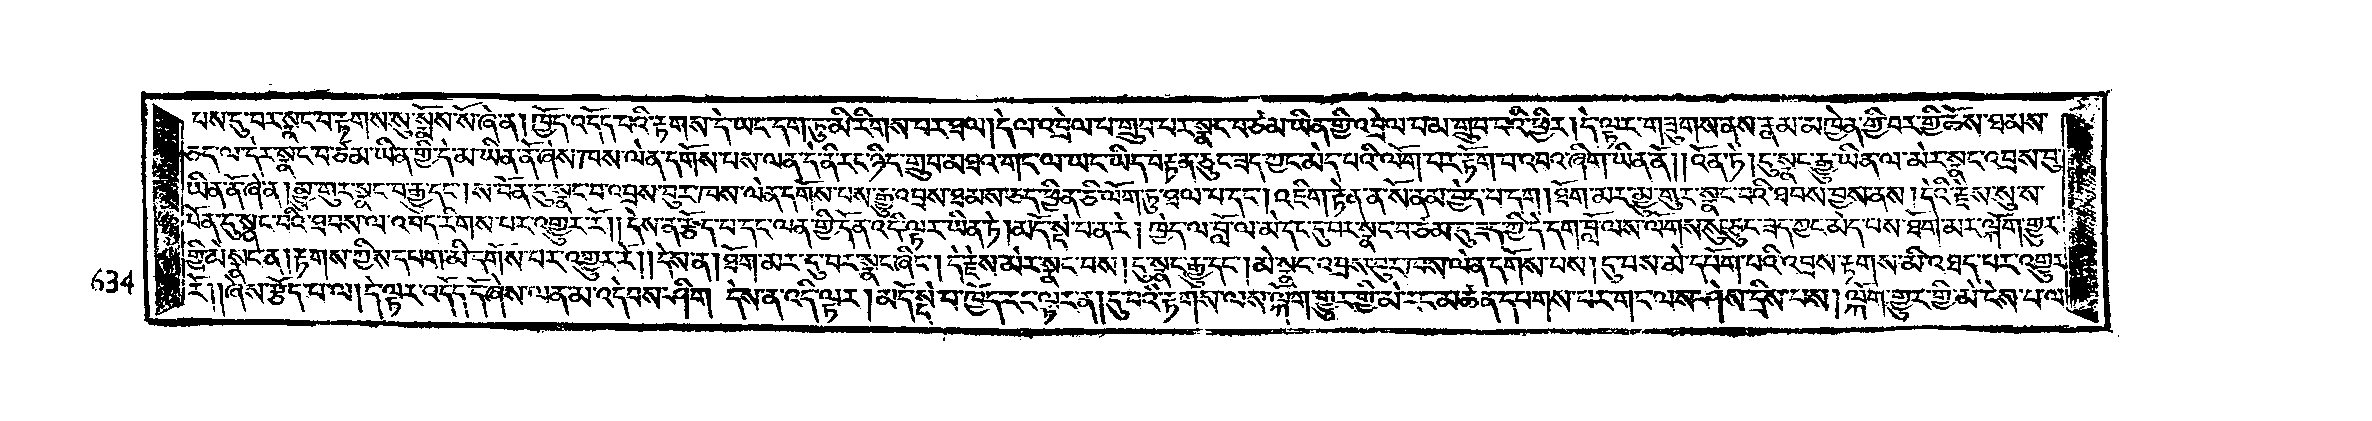པས་དུ་བར་སྣང་བ་རྟགས་སུ་སྨོས་སོ་ཞེ་ན། ཁྱོད་འདོད་པའི་རྟགས་དེ་ཡང་དག་ཏུ་མི་རིགས་པར་ཐལ། དེ་ལ་འབྲེལ་པ་གྲུབ་པར་སྣང་བ་ཙམ་ཡིན་གྱི་འབྲེལ་པ་མ་གྲུབ་པའི་ཕྱིར། དེ་ལྟར་གཟུགས་ནས་རྣམ་མཁྱེན་གྱི་བར་གྱི་ཆོས་ཐམས་
ཅད་ལ་དེར་སྣང་བ་ཙམ་ཡིན་གྱི་དེ་མ་ཡིན་ནོ་ཞེས་ཁས་ལེན་དགོས་པས་ལན་དེ་ནི་རང་ཉིད་གྲུབ་མཐའ་གང་ལ་ཡང་ཡིད་བརྟན་ཅུང་ཟད་ཀྱང་མེད་པའི་ལོག་པར་རྟོག་པ་འབའ་ཞིག་ཡིན་ནོ། །འོན་ཏེ། དུ་སྣང་རྒྱུ་ཡིན་ལ་མེར་སྣང་འབྲས་བུ་
ཡིན་ནོ་ཞེ་ན། མྱུ་གུར་སྣང་བ་རྒྱུ་དང་། ས་བོན་དུ་སྣང་བ་འབྲས་བུར་ཁས་ལེན་དགོས་པས་རྒྱུ་འབྲས་ཐམས་ཅད་ཕྱིན་ཅི་ལོག་ཏུ་ཐལ་བ་དང་། འཇིག་རྟེན་ན་སོ་ནམ་བྱེད་པ་དག །ཐོག་མར་མྱུ་གུར་སྣང་བའི་ཐབས་བྱས་ནས། དེའི་རྗེས་སུ་ས་
བོན་དུ་སྣང་བའི་ཐབས་ལ་འབད་རིགས་པར་འགྱུར་རོ། །དེས་ན་རྩོད་པ་དང་ལན་གྱི་དོན་འདི་ལྟར་ཡིན་ཏེ། མདོ་སྡེ་པ་ན་རེ། ཁྱེད་ལ་བློ་ལ་མེ་དང་དུ་བར་སྣང་བ་ཙམ་དུ་ཟད་ཀྱི་དེ་དག་བློ་ལས་ལོགས་སུ་ཅུང་ཟད་ཀྱང་མེད་པས་ཐོག་མར་ལྐོག་གྱུར་
གྱི་མེ་སྣང་ན། རྟགས་ཀྱིས་དཔག་མི་དགོས་པར་འགྱུར་རོ། །དེས་ན། ཐོག་མར་དུ་བར་སྣང་ཞིང་། དེ་རྗེས་མེར་སྣང་བས། དུ་སྣང་རྒྱུ་དང་། མེ་སྣང་འབྲས་བུར་ཁས་ལེན་དགོས་པས། དུ་བས་མེ་དཔོག་པའི་འབྲས་རྟགས་མི་འཐད་པར་འགྱུར་
རོ། །ཞེས་རྩོད་པ་ལ། དེ་ལྟར་འདོད་དོ་ཞེས་ལན་མ་འདེབས་ཤིག་དེས་ན་འདི་ལྟར། མདོ་སྡེ་པ་ཁྱོད་རང་ལྟར་ན། དུ་བའི་རྟགས་ལས་ལྐོག་གྱུར་གྱི་མེ་རང་མཚན་དཔགས་པར་གང་ལས་ཤེས་དྲིས་པས། ལྐོག་གྱུར་གྱི་མེ་ངེས་པ་ལ་